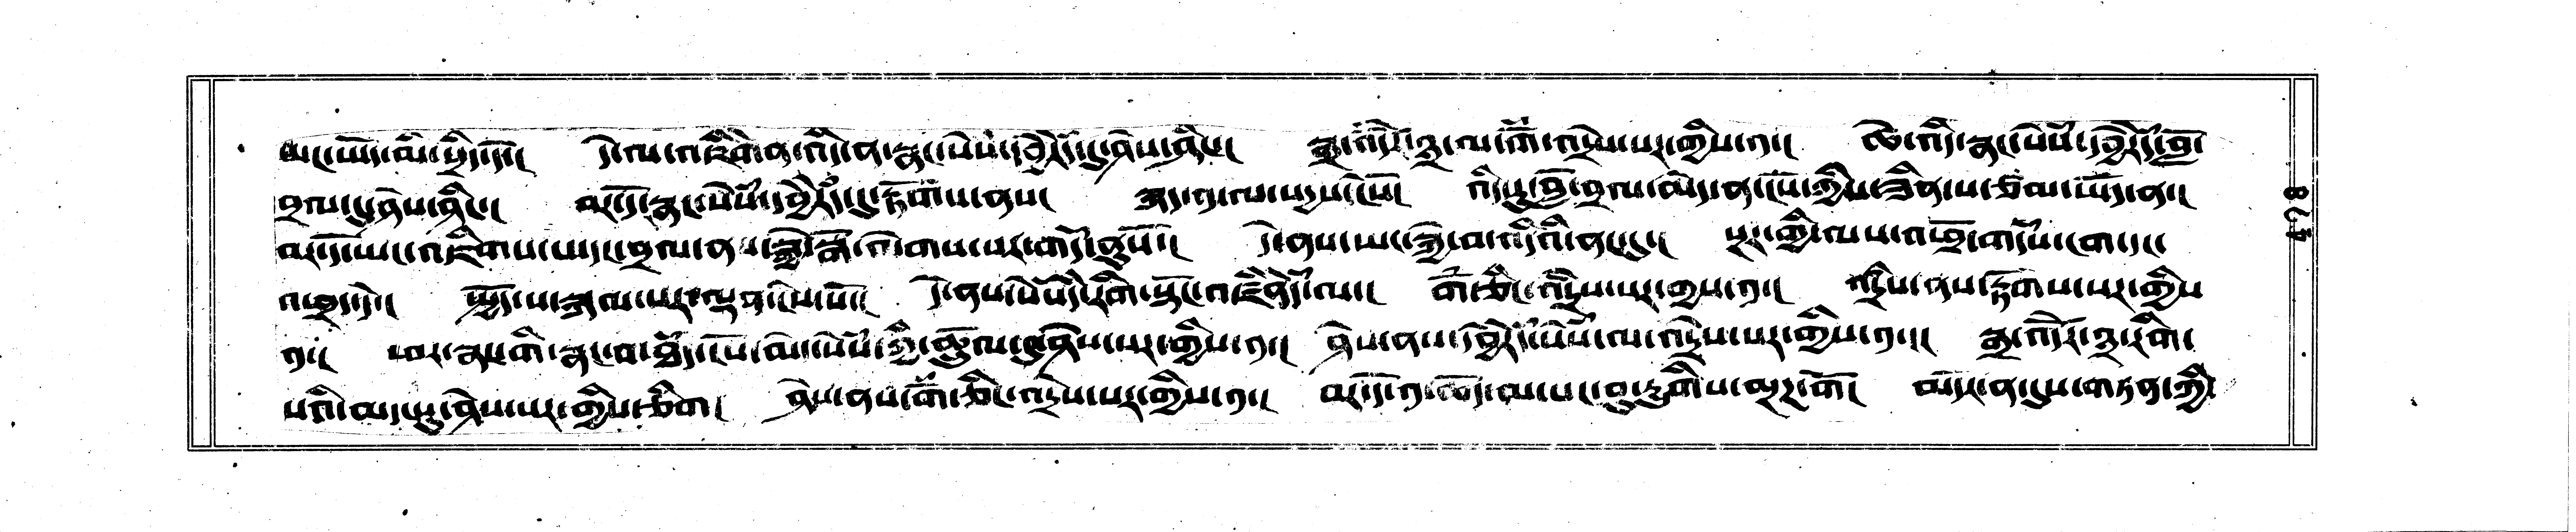ཡང་ཡོད་མི་སྲིད་དོ། དེ་ལ་འཇིག་རྟེན་འདི་ན་སྣང་སེམས་དབྱེར་མེད་དུ་ཤེས་ཤིང་ སྒྲ་འོད་ཟེར་གསུམ་ལ་གོམ་ཅིང་འདྲིས་པར་གྱིས་ཤིག ཚེ་འདིར་སྣང་སེམས་དབྱེར་མེད་བློ་
བྲལ་དུ་ཤེས་ན། བར་དོར་སྣང་སེམས་དབྱེར་མེད་དུ་རྟོགས་ནས་སྐད་ཅིག་ལས་སངས་རྒྱས་ངེས་སོ། འདི་རུ་བློ་བྲལ་མེད་ནས་ངོས་ཀྱིས་ཟིན་པ་ཙམ་ཡོད་ན། 
བར་དོ་ཡང་འཇིགས་པ་དང་བྲལ་ན་སྐྱེ་སྒོ་ལེགས་པོར་བསྡམ་ནུས་སོ། དེ་ན་ཡང་སྐྱེ་བ་འདིའི་ནང་དུ། སྔར་གྱིས་ལས་འཕྲོ་གདམ་ངག་དང་
འཕྲད་སྟེ། སྤྱོད་པའི་སྐལ་པར་ལྡན་ངེས་སོ། དེ་ན་སེམས་ཉིད་རིག་སྟོང་འཛིན་མེད་ལ། གོམ་ཅིང་འདྲིས་པར་གྱིས་ཤིག འདྲིས་ནས་རྟོགས་པར་གྱིས་
ཤིག ཕར་སྣང་གིས་སྣང་བ་ཐམས་ཅད་དངོས་མེད་སེམས་ཀྱིས་ཆོ་འཕྲུལ་དུ་ཤེས་པར་གྱིས་ཤིག ཤེས་ནས་དབྱེར་མེད་སེམས་ལ་འདྲིས་པར་གྱིས་ཤིག སྒྲ་འོད་ཟེར་གསུམ་རིག་
པའི་རང་གདངས་སུ་ཤེས་པར་གྱིས་ཤིག ཤེས་ནས་གོམ་ཅིང་འདྲིས་པར་གྱིས་ཤིག བར་དོ་ཅིག་ཆོད་མ་པང་བུ་རྒྱུགས་གིས་གདམ་ངག་གོ མདོར་ན་དུས་གཏན་གྱིས་